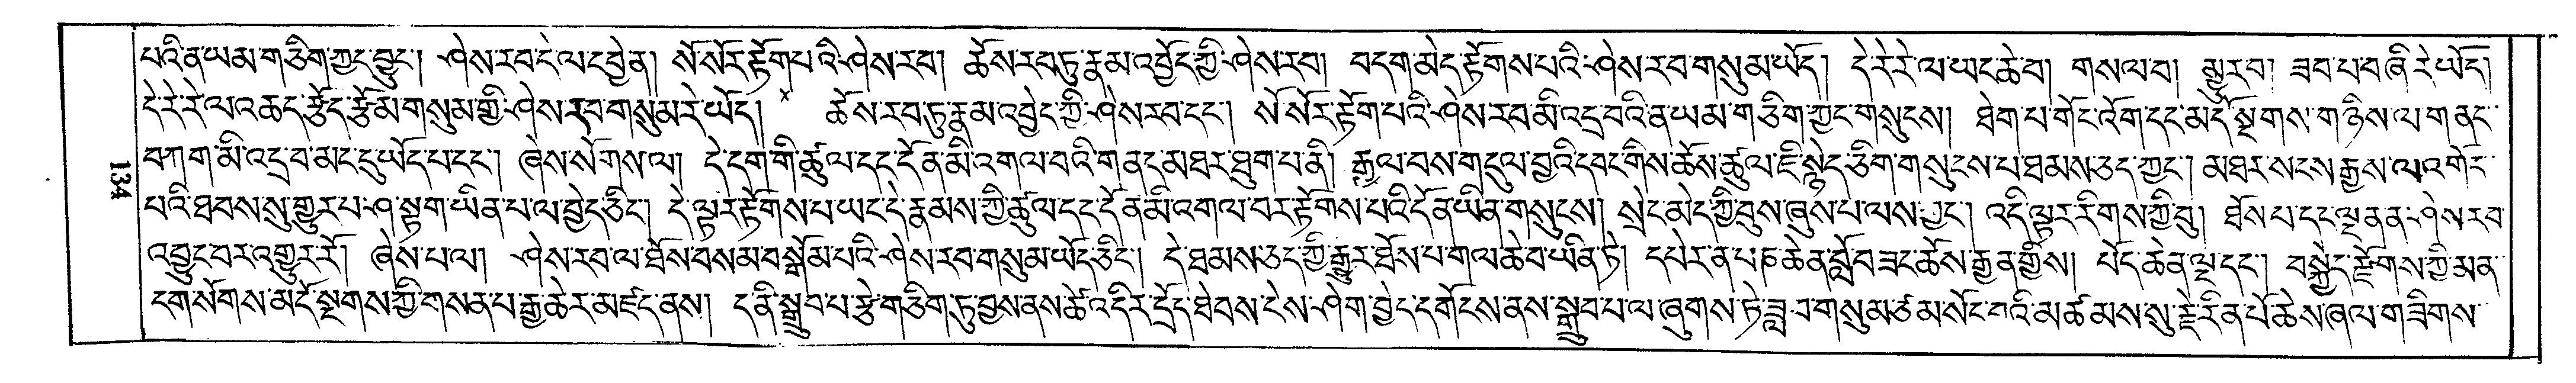པའི་ན་ཡམ་གཅིག་ཀྱང་བྱུང་། ཤེས་རབ་དེ་ལ་དབྱེ་ན། སོ་སོར་རྟོག་པའི་ཤེས་རབ། ཆོས་རབ་ཏུ་རྣམ་འབྱེད་ཀྱི་ཤེས་རབ། བདག་མེད་རྟོགས་པའི་ཤེས་རབ་གསུམ་ཡོད། དེ་རེ་རེ་ལ་ཡང་ཆེ་བ། གསལ་བ། མྱུར་བ། ཟབ་པ་བཞི་རེ་ཡོད།
དེ་རེ་རེ་ལ་འཆད་རྩོད་རྩོམ་གསུམ་གྱི་ཤེས་རབ་གསུམ་རེ་ཡོད། ཅེས་ཆོས་རབ་ཏུ་རྣམ་འབྱེད་ཀྱི་ཤེས་རབ་དང་། སོ་སོར་རྟོག་པའི་ཤེས་རབ་མི་འདྲ་བའི་ན་ཡམ་གཅིག་ཀྱང་གསུངས། ཐེག་པ་གོང་འོག་དང་མདོ་སྔགས་གཉིས་ལ་གནང་
བཀག་མི་འདྲ་བ་མང་དུ་ཡོད་པ་དང་། ཞེས་སོགས་ལ། དེ་དག་གི་ཚུལ་དང་དོན་མི་འགལ་བའི་གནད་མཐར་ཐུག་པ་ནི། རྒྱལ་བས་གདུལ་བྱའི་དབང་གིས་ཆོས་ཚུལ་ཇི་སྙེད་ཅིག་གསུངས་པ་ཐམས་ཅད་ཀྱང་། མཐར་སངས་རྒྱས་ལ་འགོད་
པའི་ཐབས་སུ་གྱུར་པ་ཤ་སྟག་ཡིན་པ་ལ་བྱེད་ཅིང་། དེ་ལྟར་རྟོགས་པ་ཡང་དེ་རྣམས་ཀྱི་ཚུལ་དང་དོན་མི་འགལ་བར་རྟོགས་པའི་དོན་ཡིན་གསུངས། སྲེད་མེད་ཀྱི་བུས་ཞུས་པ་ལས་ཀྱང་། འདི་ལྟར་རིགས་ཀྱི་བུ། ཐོས་པ་དང་ལྡན་ན་ཤེས་རབ་
འབྱུང་བར་འགྱུར་རོ། ཞེས་པ་ལ། ཤེས་རབ་ལ་ཐོས་བསམ་བསྒོམ་པའི་ཤེས་རབ་གསུམ་ཡོད་ཅིང་། དེ་ཐམས་ཅད་ཀྱི་རྒྱུར་ཐོས་པ་གལ་ཆེ་བ་ཡིན་ཏེ། དཔེར་ན་པཎ་ཆེན་བློ་བཟང་ཆོས་རྒྱན་གྱིས། པོད་ཆེན་ལྔ་དང་། བསྐྱེད་རྫོགས་ཀྱི་མན་
ངག་སོགས་མདོ་སྔགས་ཀྱི་གསན་པ་རྒྱ་ཆེར་མཛད་ནས། ད་ནི་སྒྲུབ་པ་རྩེ་གཅིག་ཏུ་བྱས་ནས་ཚེ་འདིར་དྲོད་ཐེབས་ངེས་ཤིག་བྱེད་དགོངས་ནས་སྒྲུབ་པ་ལ་ཞུགས་ཏེ་ཟླ་བ་གསུམ་ཙམ་སོང་བའི་མཚམས་སུ་རྗེ་རིན་པོ་ཆེས་ཞལ་གཟིགས་